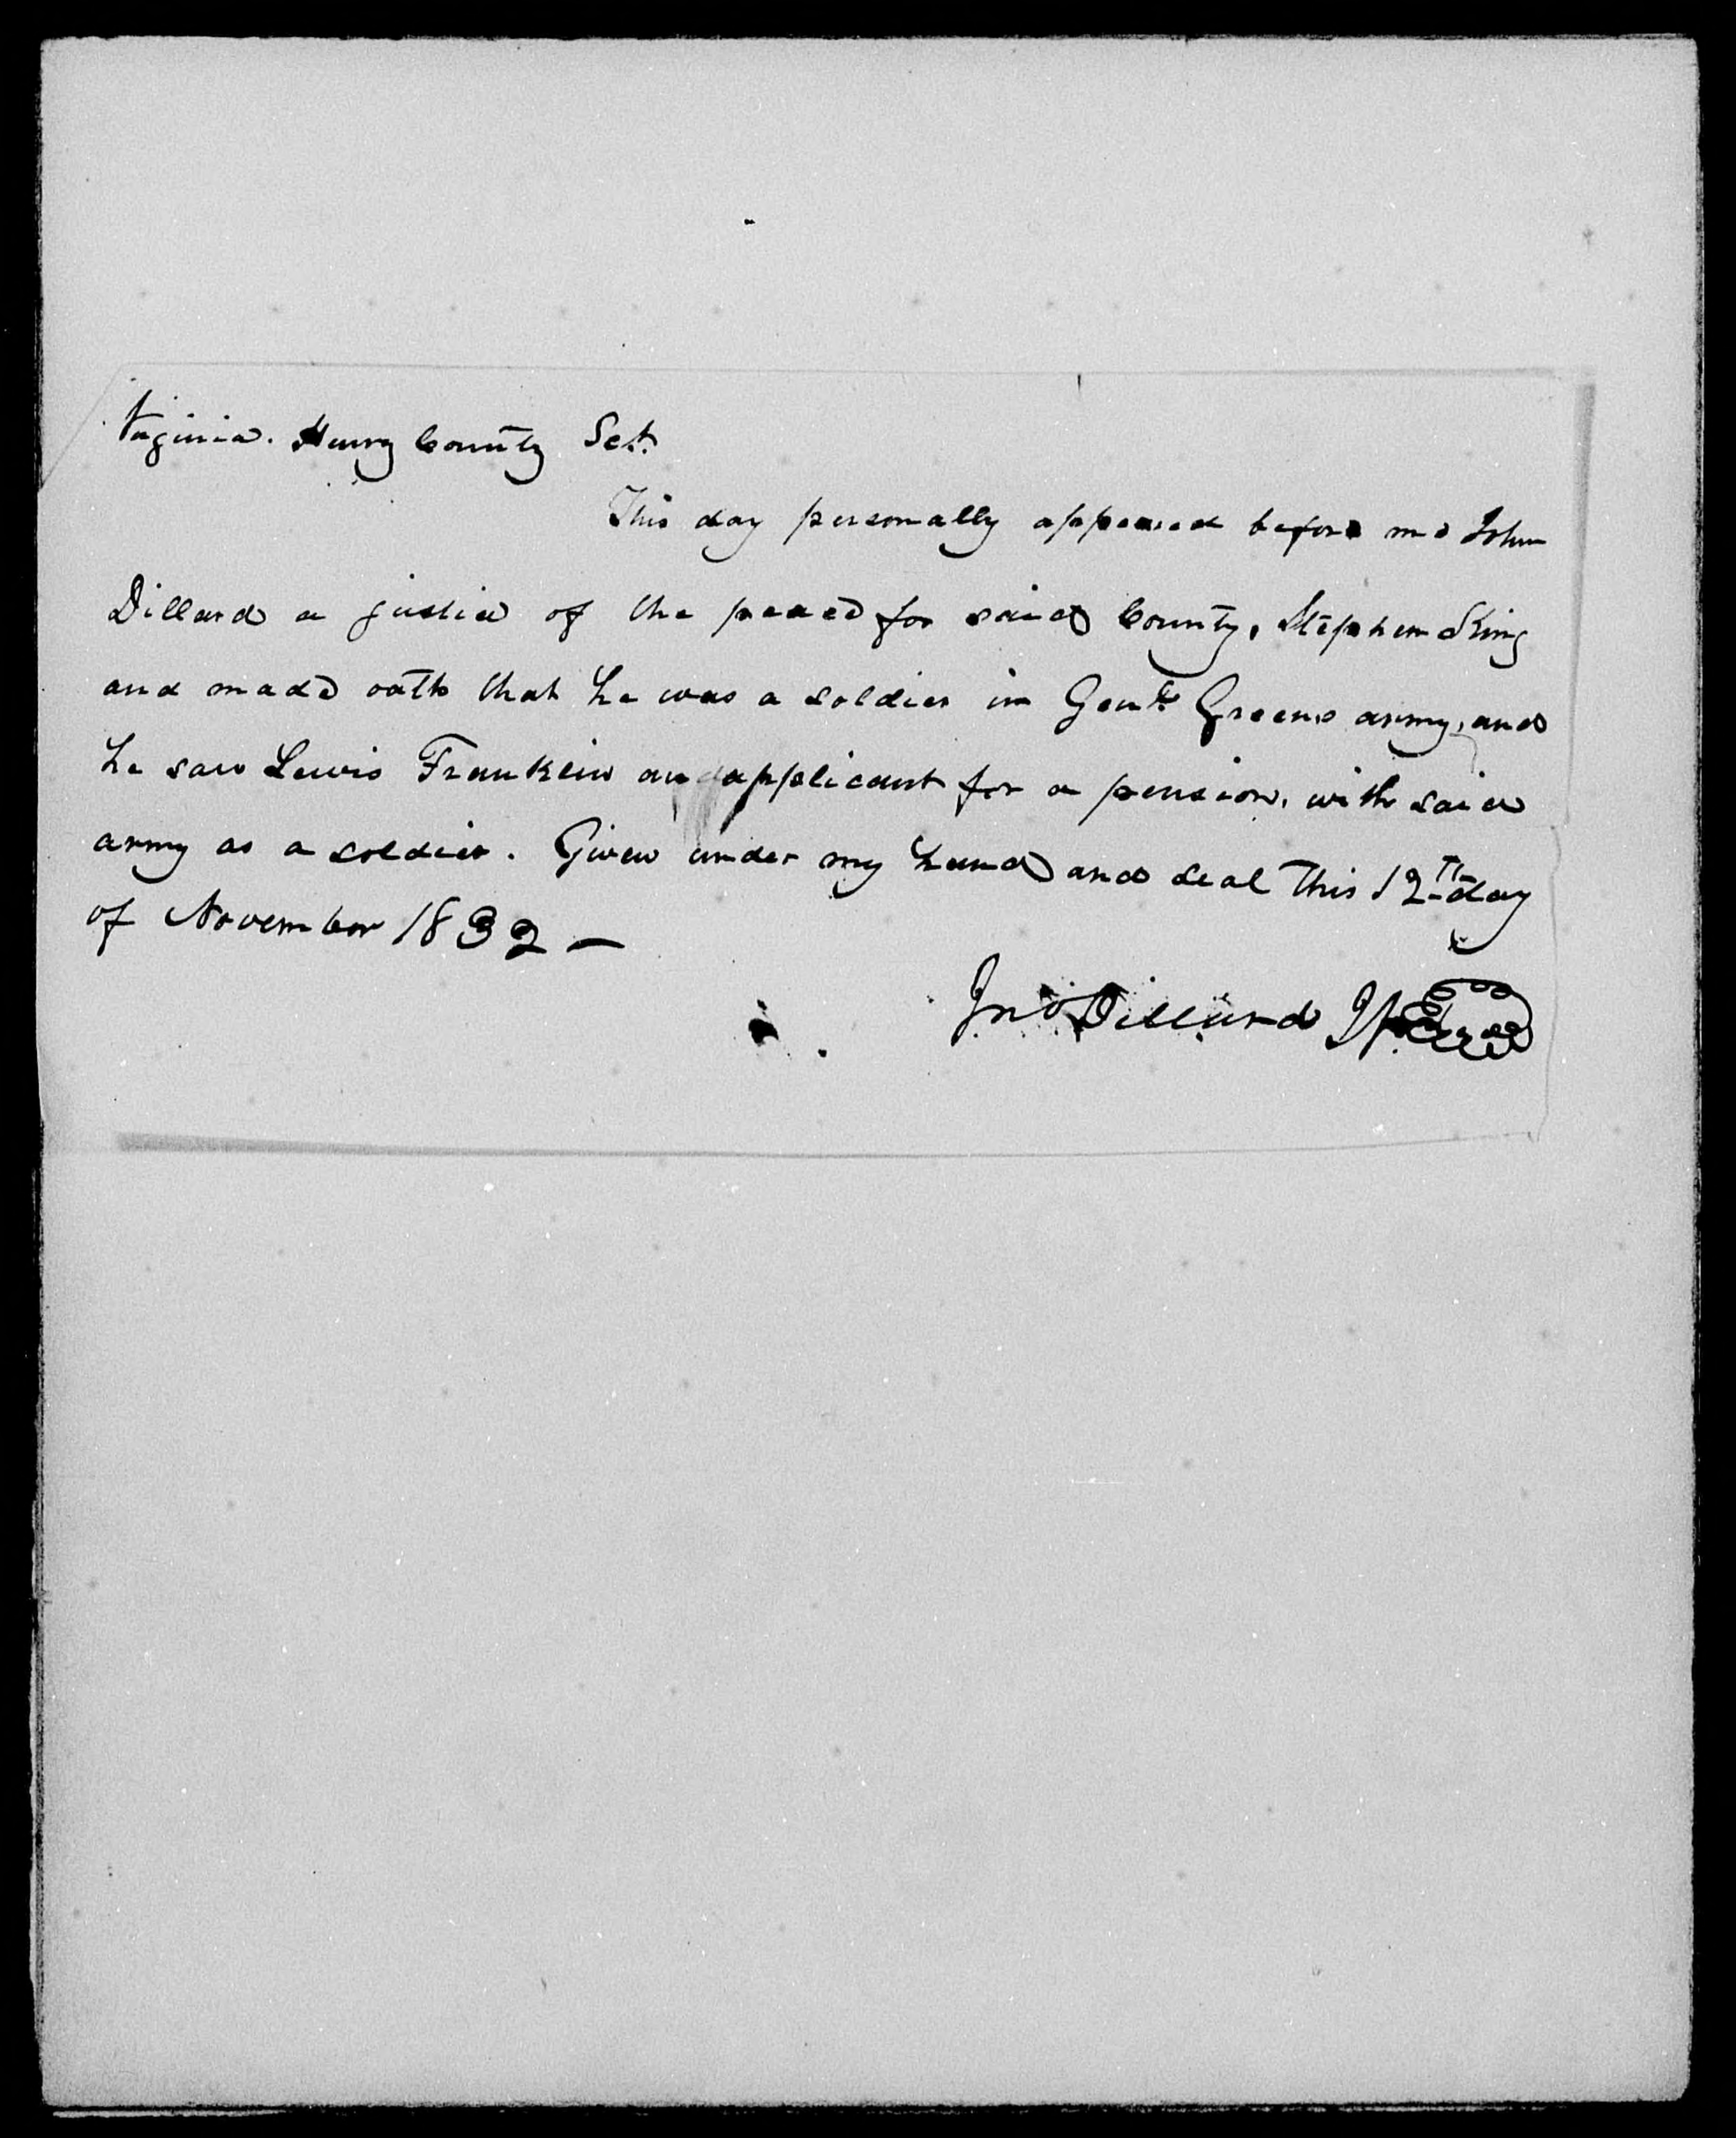Virginia Henry County Se-
This day personally applied before me John Dillard a justice of the peace for - County, Stephen King and made oath that he was a soldier in General Green's company, and he said Lewis Franklin on application for - pension, with said army as a soldier. Given under my hand and seal this 13th day November 1832-
John Dillard -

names: Jno Dillard, Stephen King, Lewis Franklin, John Dillard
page: 10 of 20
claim: survivor's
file: S. 8519, Lewis Franklin, N.C. Va.